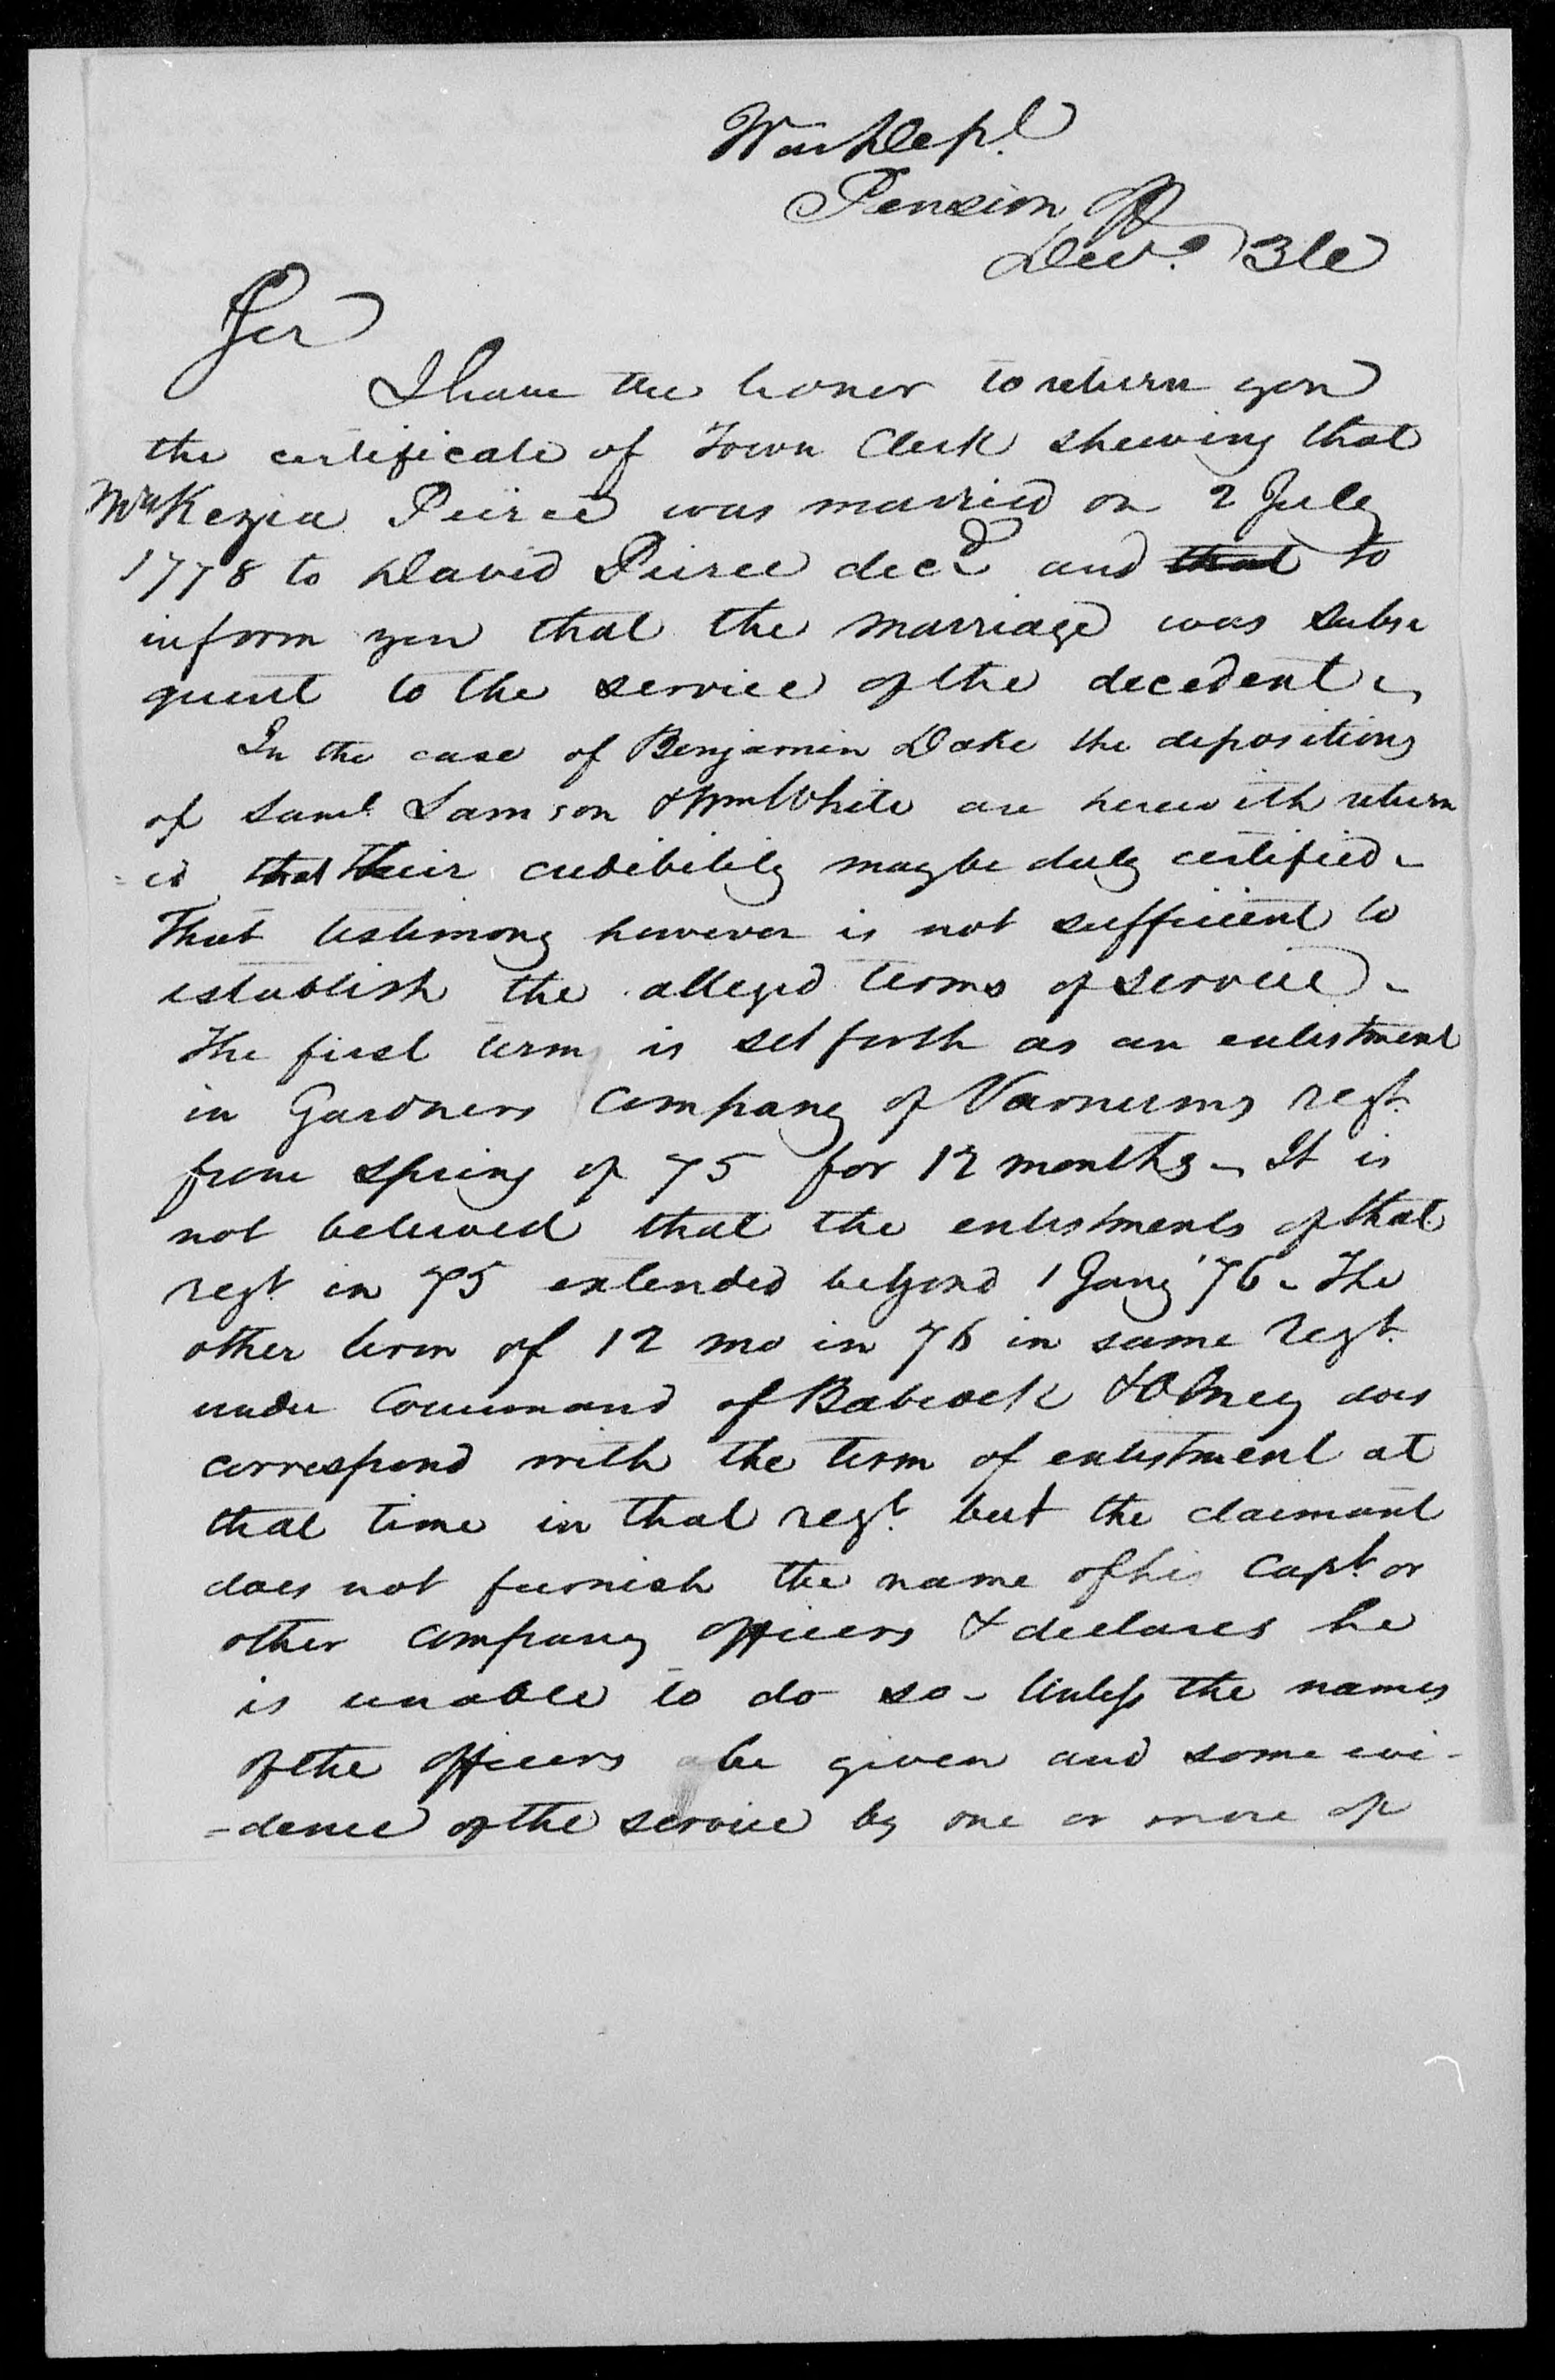War Dept Pension Off Dec 3 Sir I have the honor to return you the certificate of Town Clerk showing that M Kezia Peirce was married on 2 July 1778 to David Peirce Decd and to inform you that the marriage was subsequent to the service of the decedent. In the case of Benjamin Dake the depostions of Saml Samson & Wm White are herewith retuned that their credibility maybe duly certified. That testimony however is not sufficient to establish the alleged terms of service. The first term is set forth as an enlistment in Gardner Company of Varnums regt from spring of 75 for 12 months. It is not believed that the enlistments of that regt in 75 extended beyond 1 Jany 76. the other term of 12 mo in 76 in the same regt under command of Babcock & Olney does correspond with the term of enlistment at that time in that regt but the claimant does not furnish the name of this capt or other company officers & declares he is unable to do so. Unless the names of the officers be given and some evidence of the service by one or more of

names: Kezia Pierce, Benjamin Dake, David Pierce, Wm White, Babcock, Saml Samson, Olney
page: 20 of 42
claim: rejected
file: R. 2,625, Benjamin Dake, R.I.